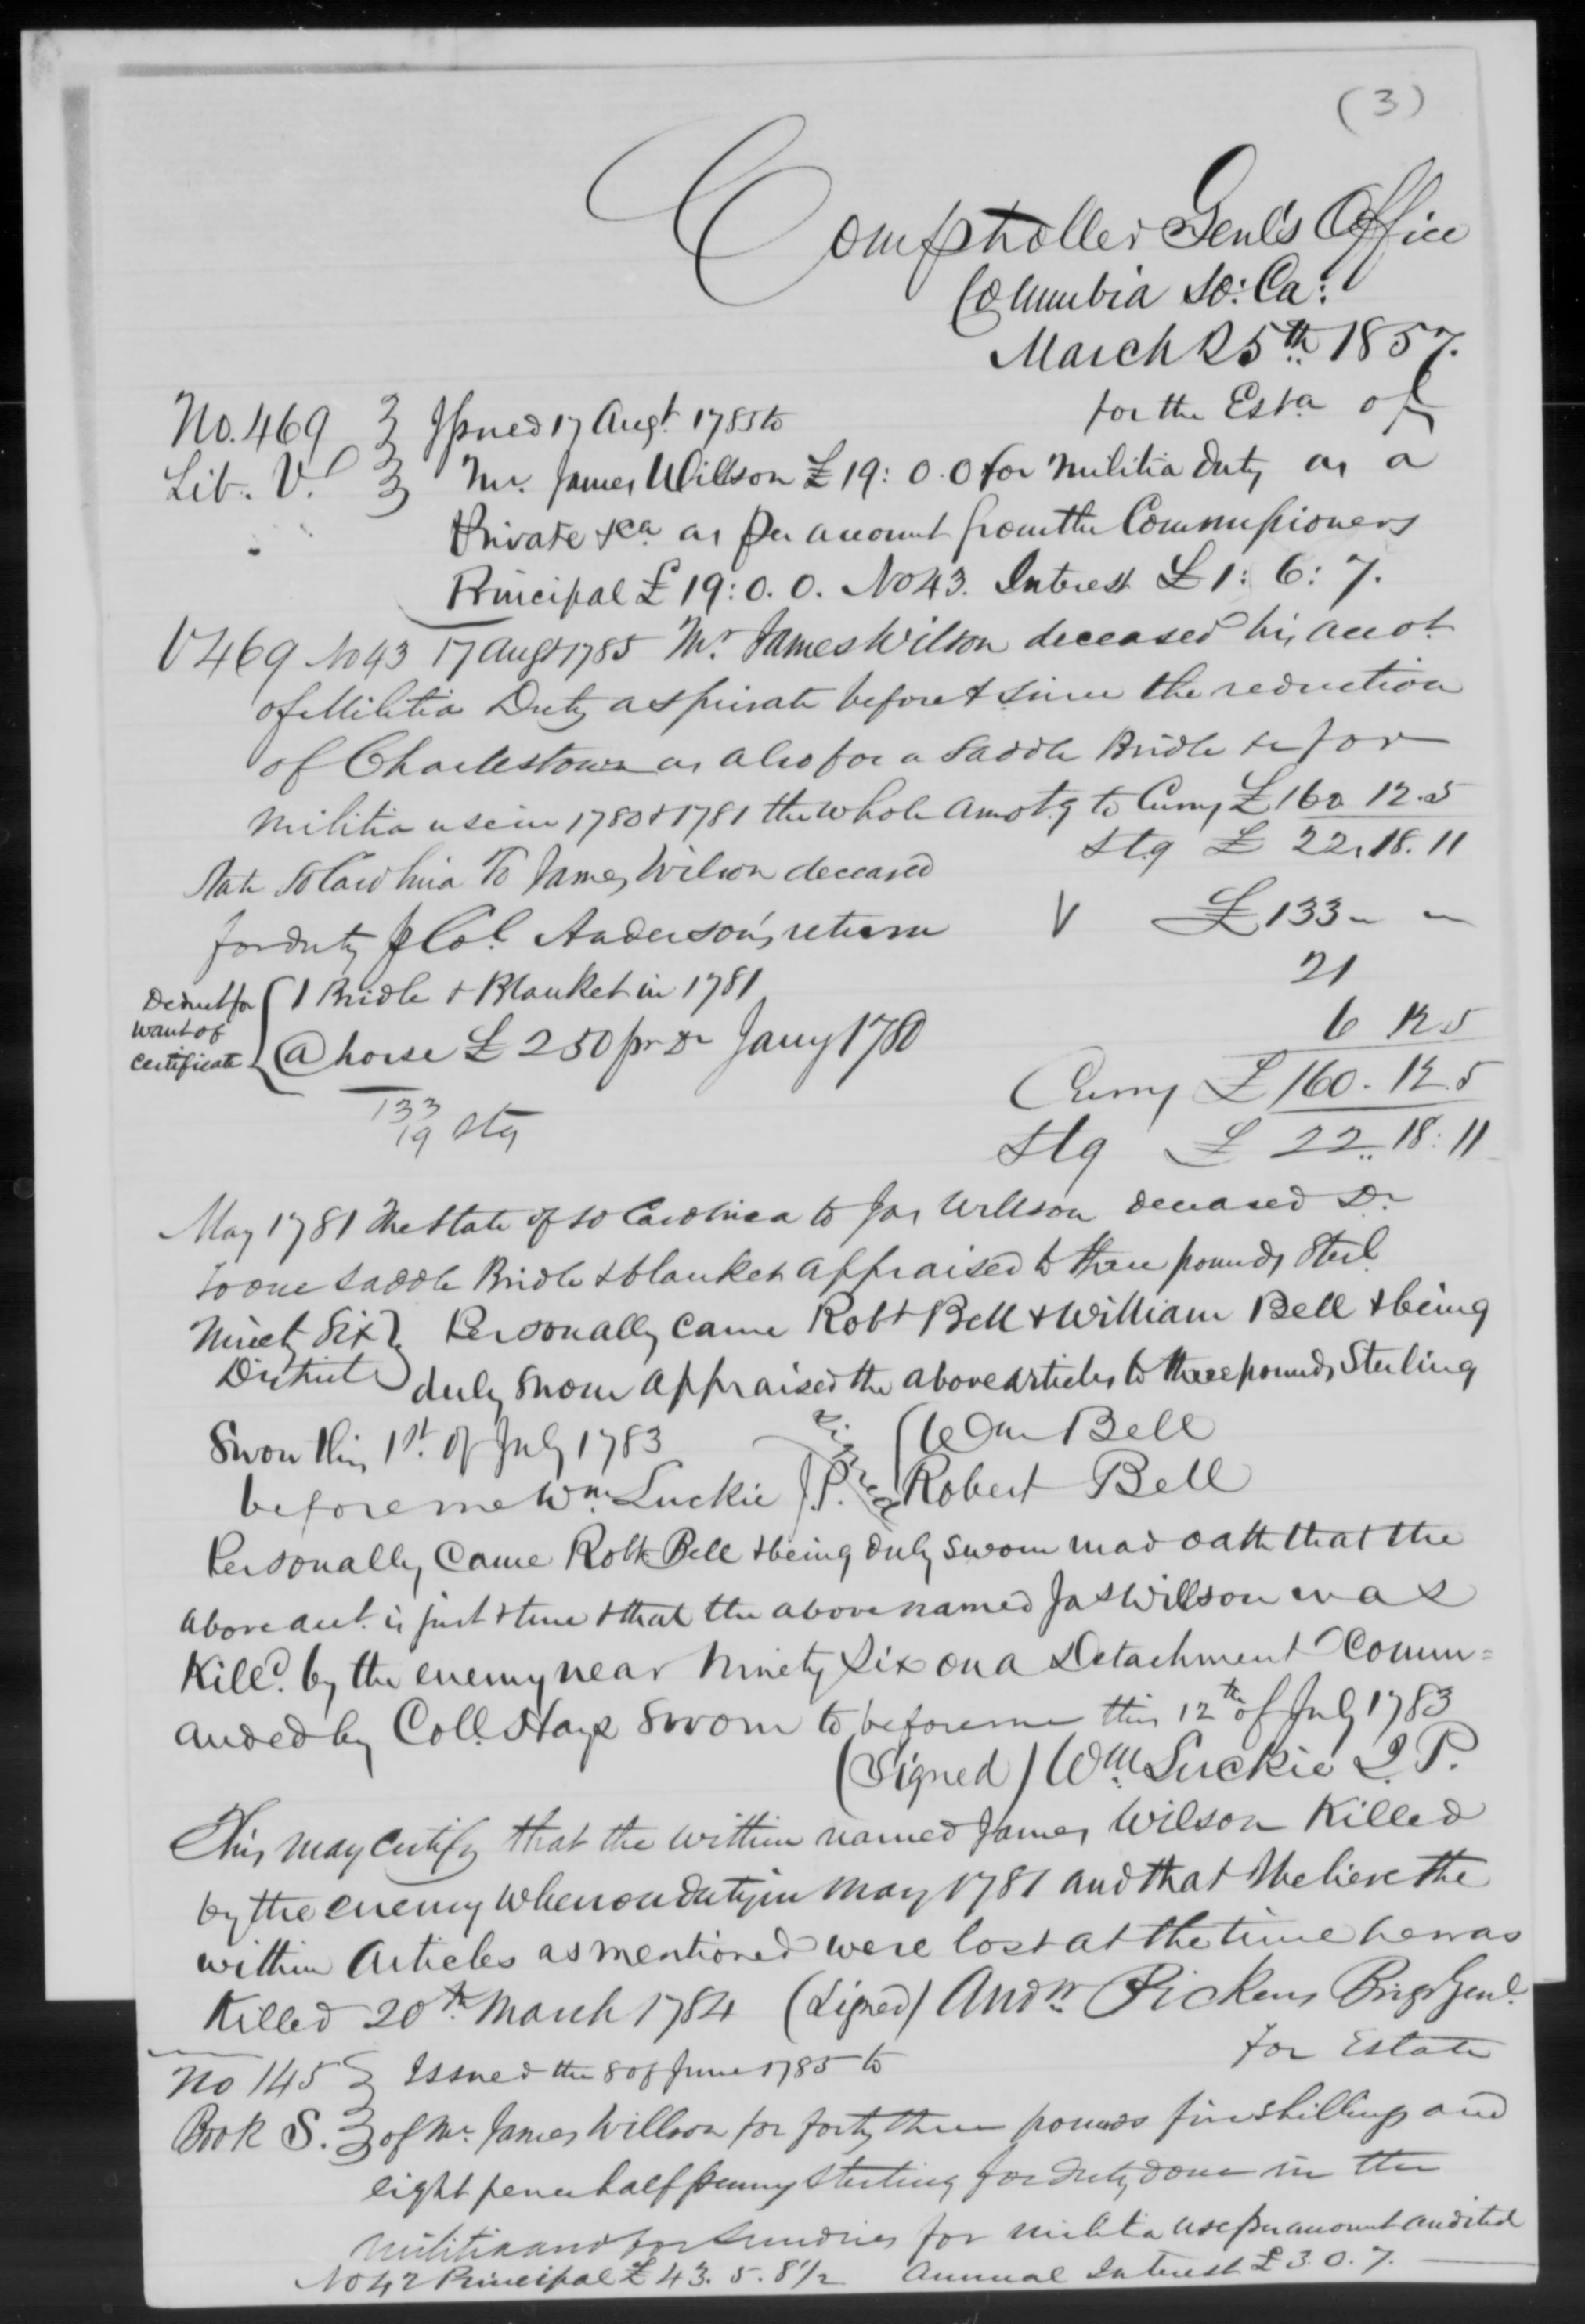(3)
Comptroller Genl's Office
Columbia So. Ca.
March 25th 1857.

No. 469
Lib. V.
Issued 17 Augt. 1785 to [blank] for the Esta. of 
Mr. James Wilson £19.0.0 for militia duty as a 
Private & ca as per amount from the Commissioners
Principal £19.0.0 No 43. Interest £1.6.7.
V469 No 43 17 Aug 1785 Mr. James Wilson deceased his accot.
of Militia Duty as private before & since the reduction 
of Charlestown as also for a saddle bridle & for 
militia use in 1780 & 1781 the whole amtg. to 
Curry £160.12.5
Stg      £22.18.11
V        £133.--.--
for duty Col. Anderson's return
[Deposit?] for 
want of certificate
1 Bridle & Blanket in 1781        21
@ horse £250 for D Jany 1780   6 12 5
Curry                                     £160.12.5
Stg                                          £22.18.11
133
19 stg

May 1781  the State of So Carolina to Jas Wilson deceased Dr
to one saddle Bridle & blanket appraised to three pounds Sterl.

Ninety Six District

Personally came Robt Bell & William Bell & being 
duly sworn appraised the above articles to three pounds Sterling

signed
Wm Bell
Robert Bell

Sworn this 1st of July 1783
before me 

Wm. Luckie J.P.

Personally came Robt. Bell & being duly sworn made oath that the 
above acct. is just & true & that the above named Jas Willson was 
killd. by the enemy near Ninety Six on a Detachment commanded
by Coll. Hays  Sworn to before me this 12th of July 1783

(Signed) Wm Luckie J.P.

This may certify that he within named James Wilson killed
by the enemy when on duty in May 1781 and that I believe the 
within articles as mentioned were lost at the time he was 
killed 20th March 1784

(Signed) Andw. Pickens Brig Gen

No 145
Book S.
Issued the 8 of June 1785 to [blank] for Estate 
of Mr. James Willson for forty three pounds five shillings and 
eight pence half penny sterling for July & one in the 
militia and for services for militia use per amount audited
No 42  Principal £43.5.8 1/2   Annual Interest £3.0.7.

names: Anderson, Robt Bell, William Bell, Andw Pickens, Wm Luckie, Hays, James Willson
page: 17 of 18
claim: rejected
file: R. 195, James Wilson, S. C.